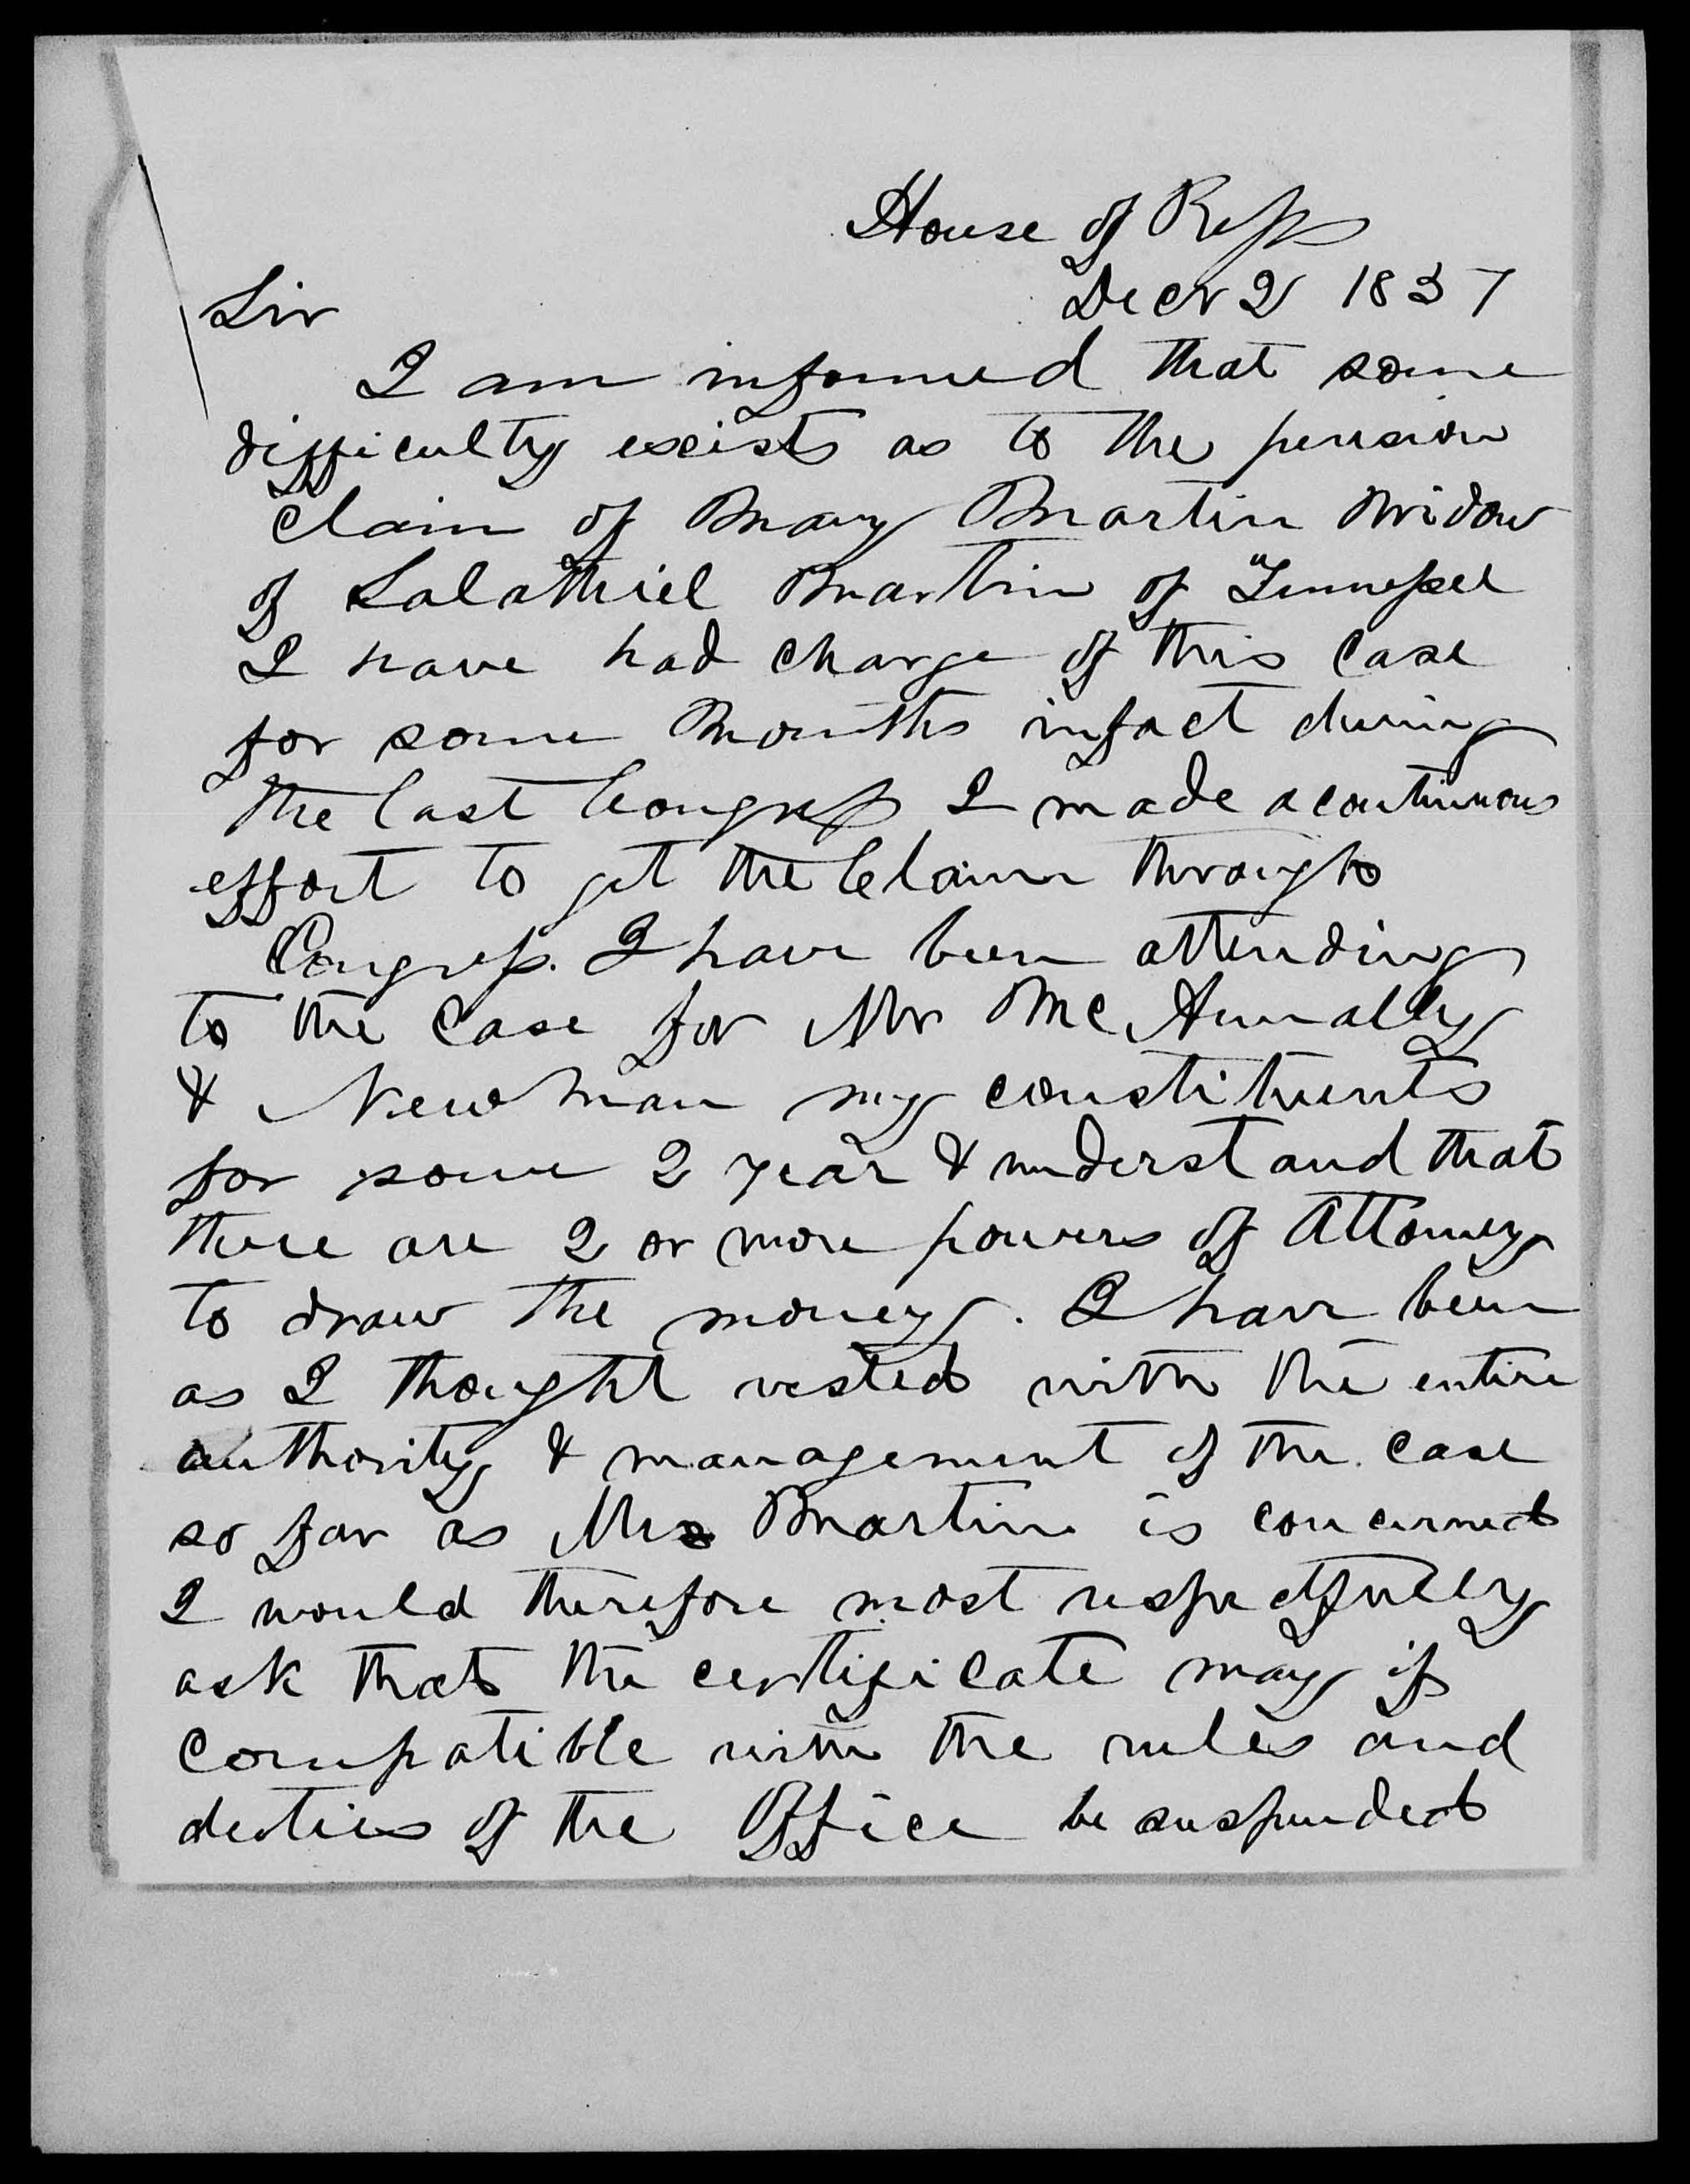House of Rep
Decr 2 1837
Sir
I am informed that some
difficulty exists as to the pension
claim of Mary Martin Widow
of Salathiel Markin of Tennessee
I have had charge of this case
for some months in fact during 
the last Congress I made a continuous
effort to get the Claim through
Congress. I have been attending
to the case for Mr McAnnally
& Newman my constituents
for some 2 year & understand that
there are 2 or more powers of Attorney
to draw the money. I have been
as I thought vested with the entire 
authority & management of the case
so far as Mrs Martin is concerned
I would therefore most respectfully
ask that the certificate may if
compatible with the rules and
duties of the Office be suspended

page: 65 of 120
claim: widow's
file: W. 1044, for Salathiel Martin, North Carolina